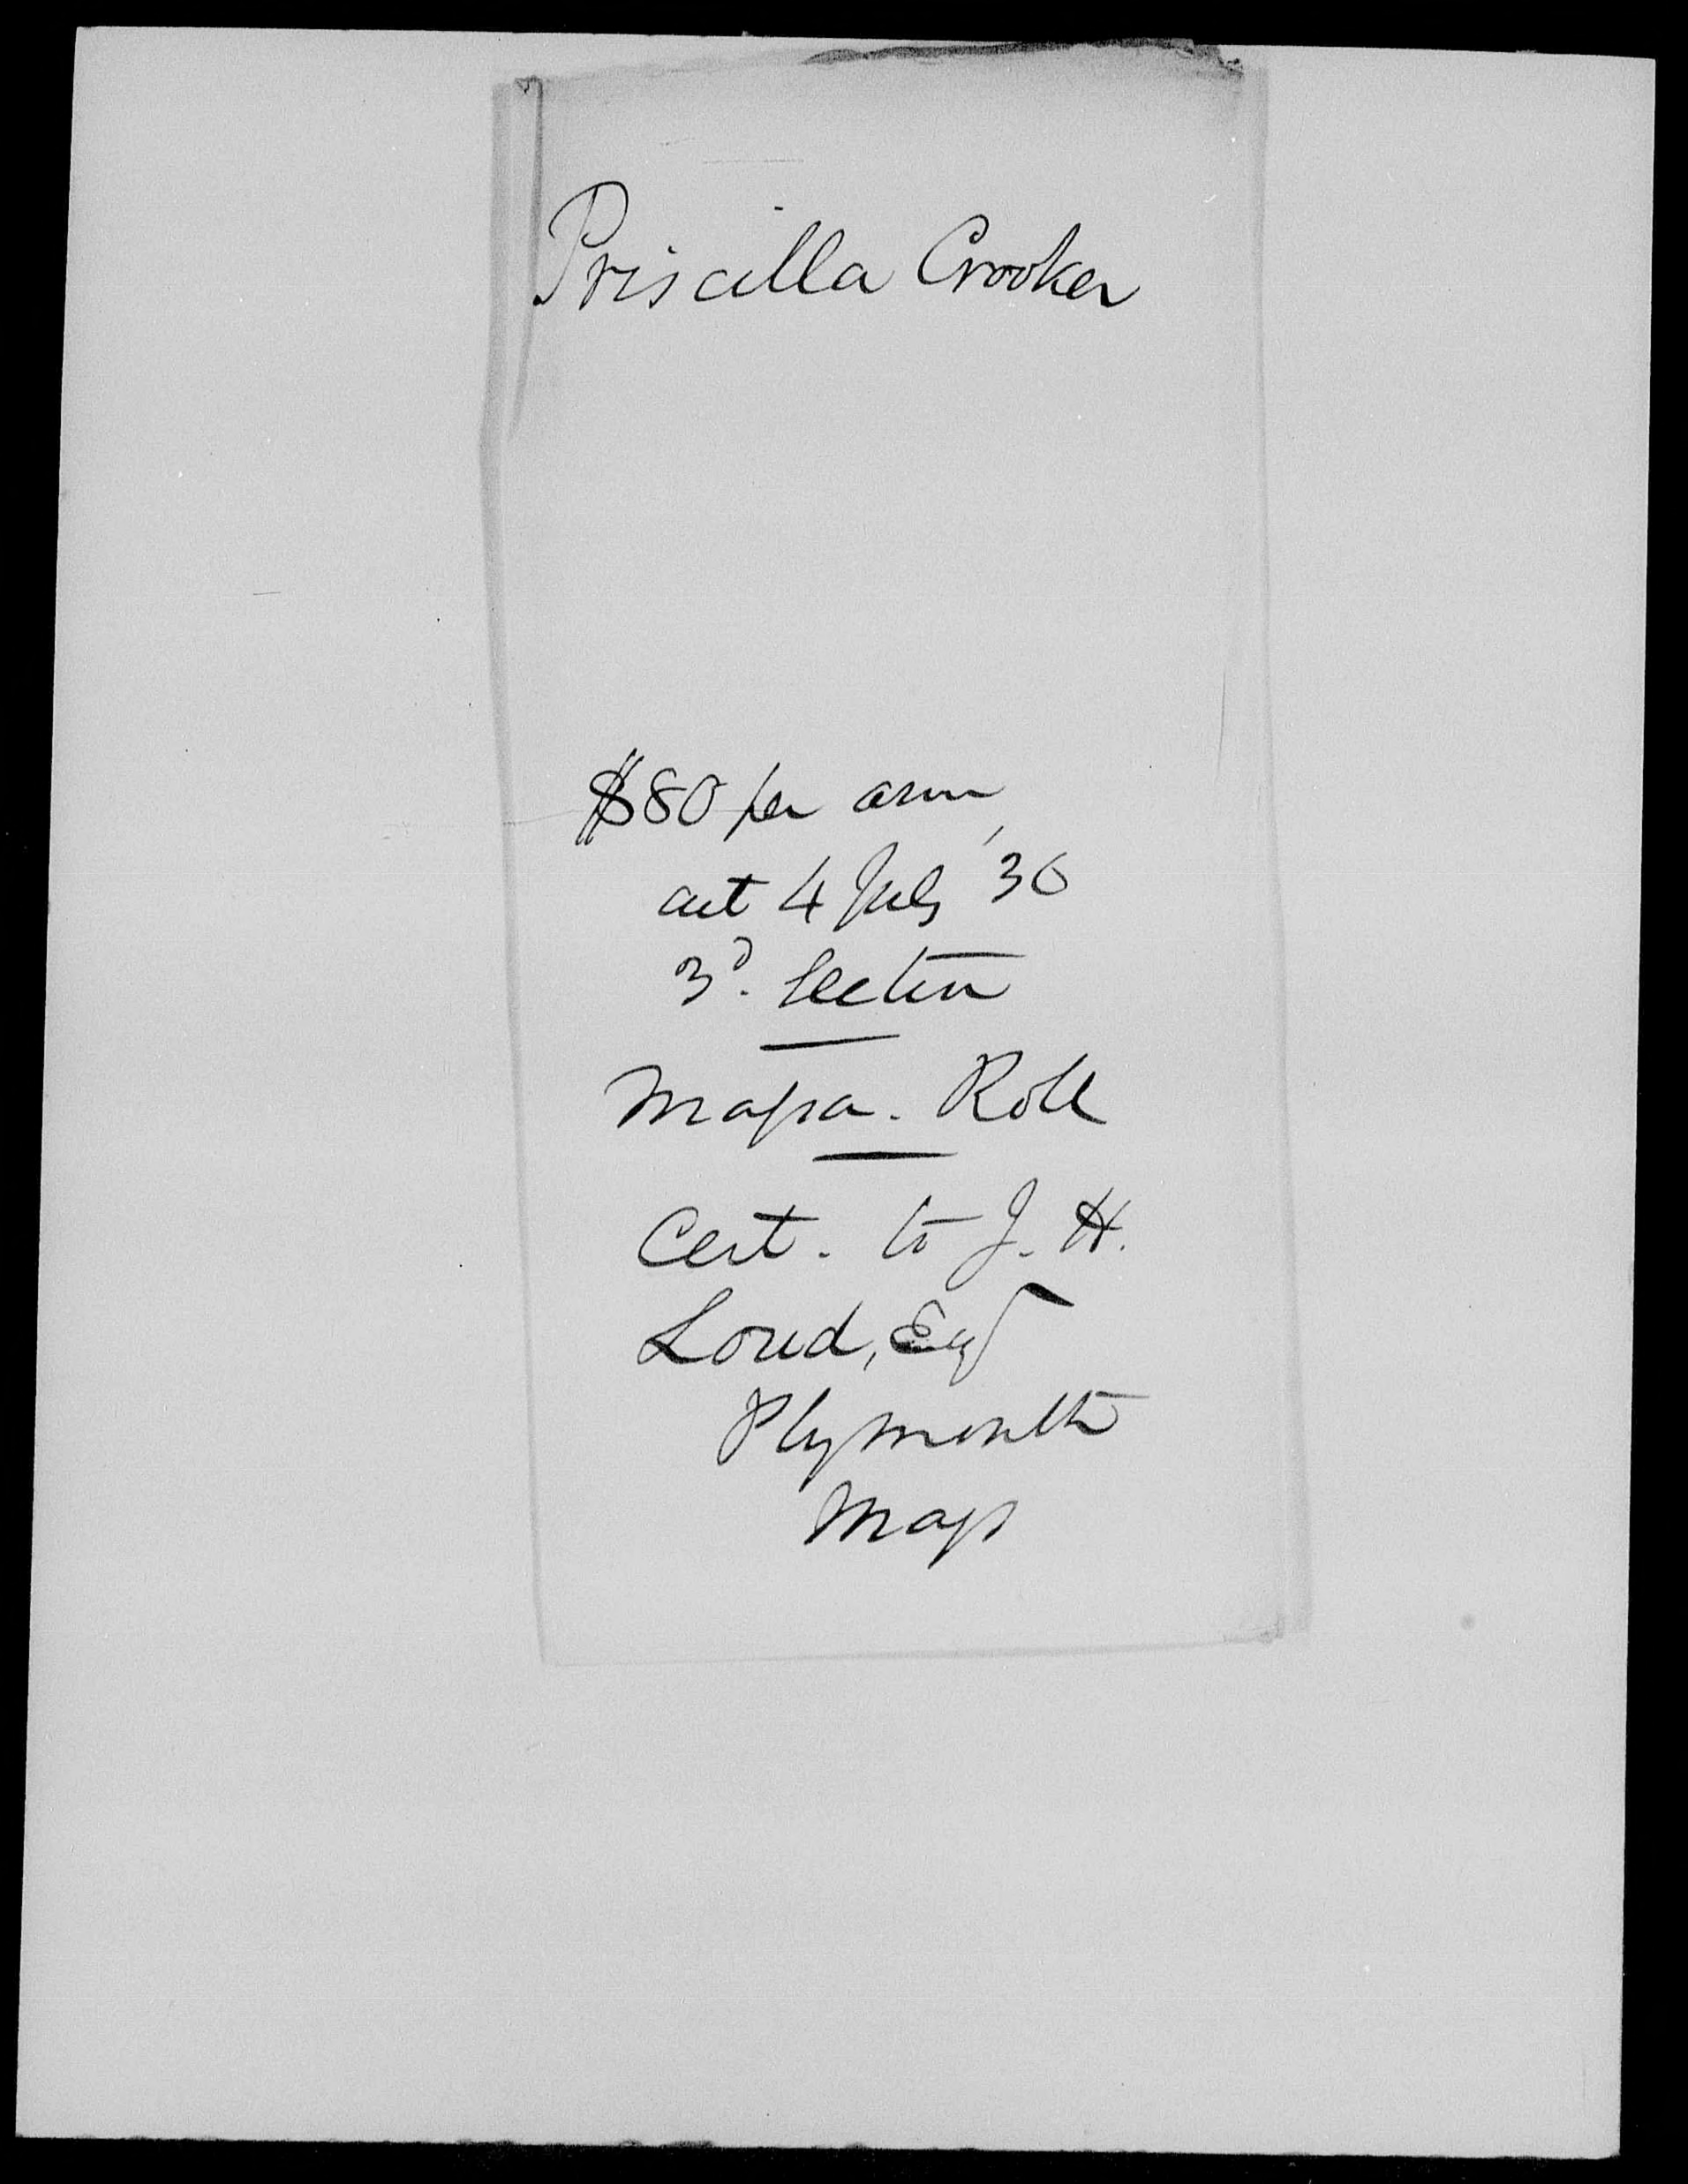Priscilla Crooker





$80 per annum
Act 4 July 30
3rd Section


Massachusetts Roll


Certificate to J.H. Loud Esq.
Plymouth
Massachusetts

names: J H Loud, Priscilla Crooker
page: 30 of 33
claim: widow's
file: W. 22862, Tilden Crooker, Mass Navy